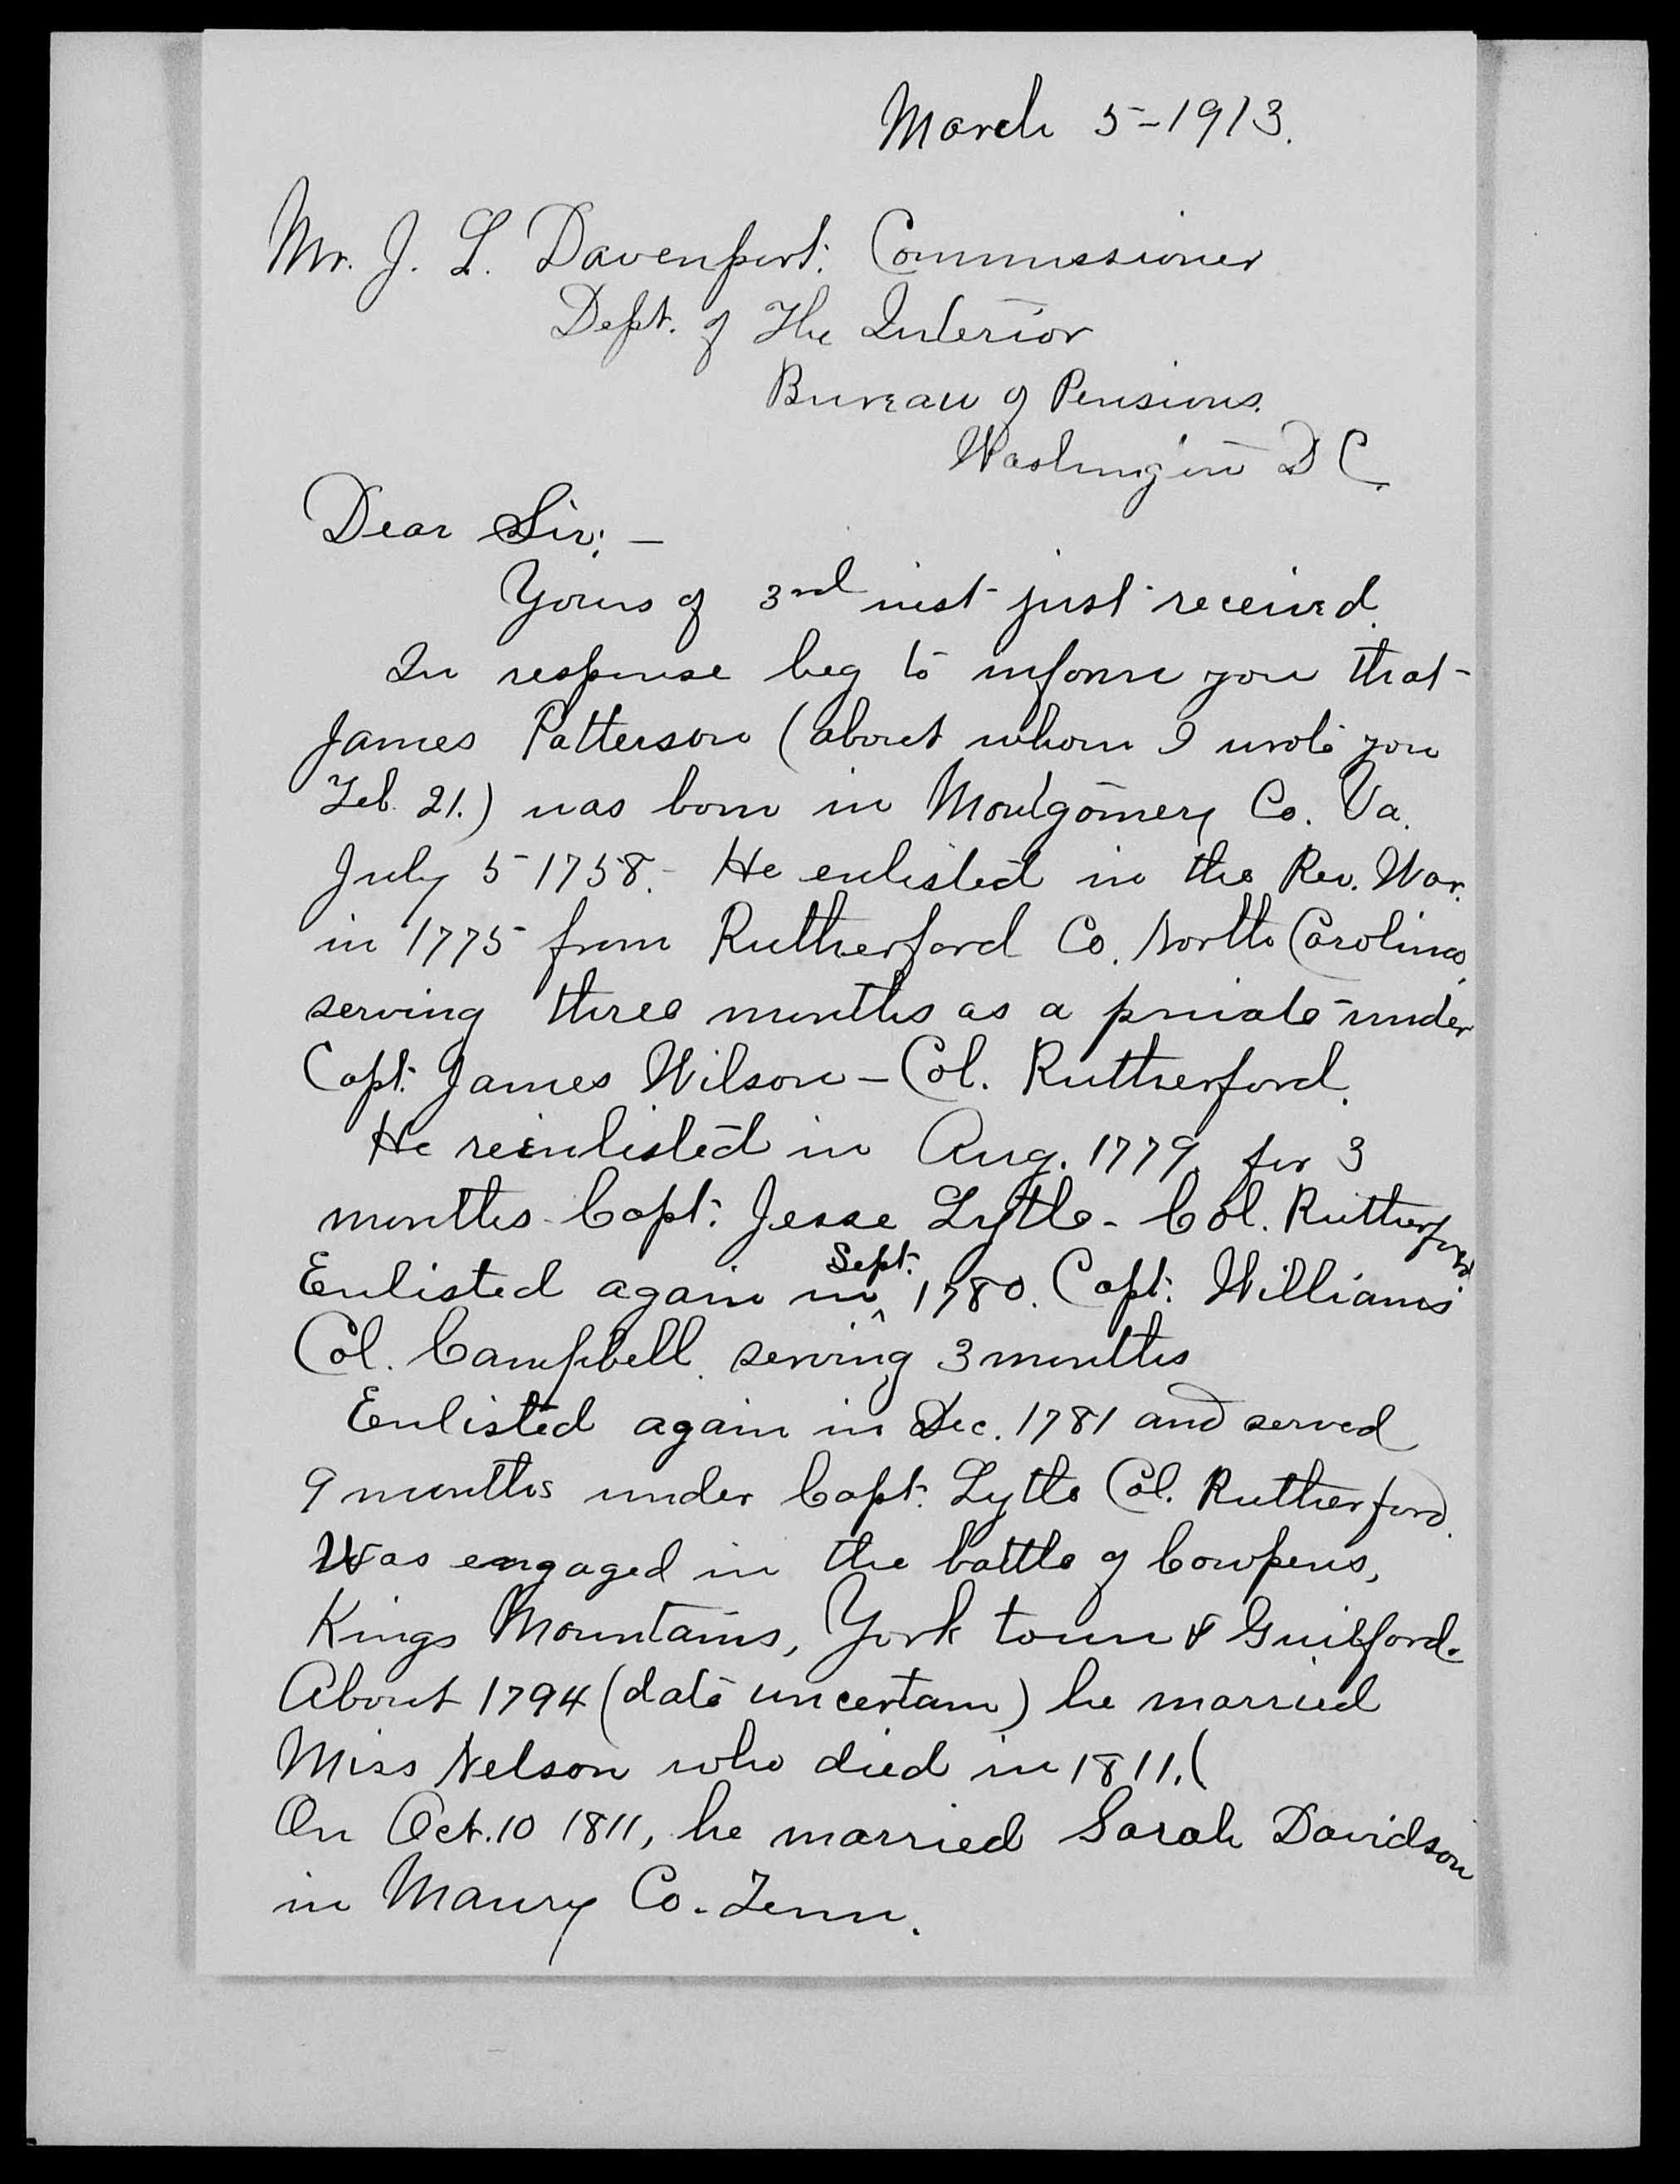March 5-1913.
Mr. J. L. Davenport: Commissioner
Dept. of the Interior
Bureau of Pensions 
Washington DC.

Dear Sir: – 
Yours of 3rd inst just received. 
In response beg to inform you that James Patterson (about whom I wrote you Feb. 21.) was born in Montgomery Co. Va. July 5 1758. He enlisted in the Rev. War in 1775 from Rutherford Co. North Carolina serving three months as a private under Capt. James Wilson - Col. Rutherford.
He reenlisted in Aug. 1779, for 3 months, Capt. Jesse Lytle. Col. Rutherford. Enlisted again in Sept. 1780. Capt. Williams Col. Campbell serving 3 months 
Enlisted again in Dec. 1781 and served 9 months under Capt Lytle Col. Rutherford. Was engaged in the battle of Cowpens Kings Mountains, York town & Guilford. About 1794 (date uncertain) he married Miss Nelson who died in 1811. On Oct. 10 1811, he married Sarah Davidson in Maury Co. Tenn.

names: James Patterson; James Wilson; [BLANK] Rutherford; [BLANK] Nelson; Sarah Davidson; [BLANK] Campbell; J L Davenport; Jesse Lytle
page: 64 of 69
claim: widow's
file: W. 10861, for James Patterson, North Carolina